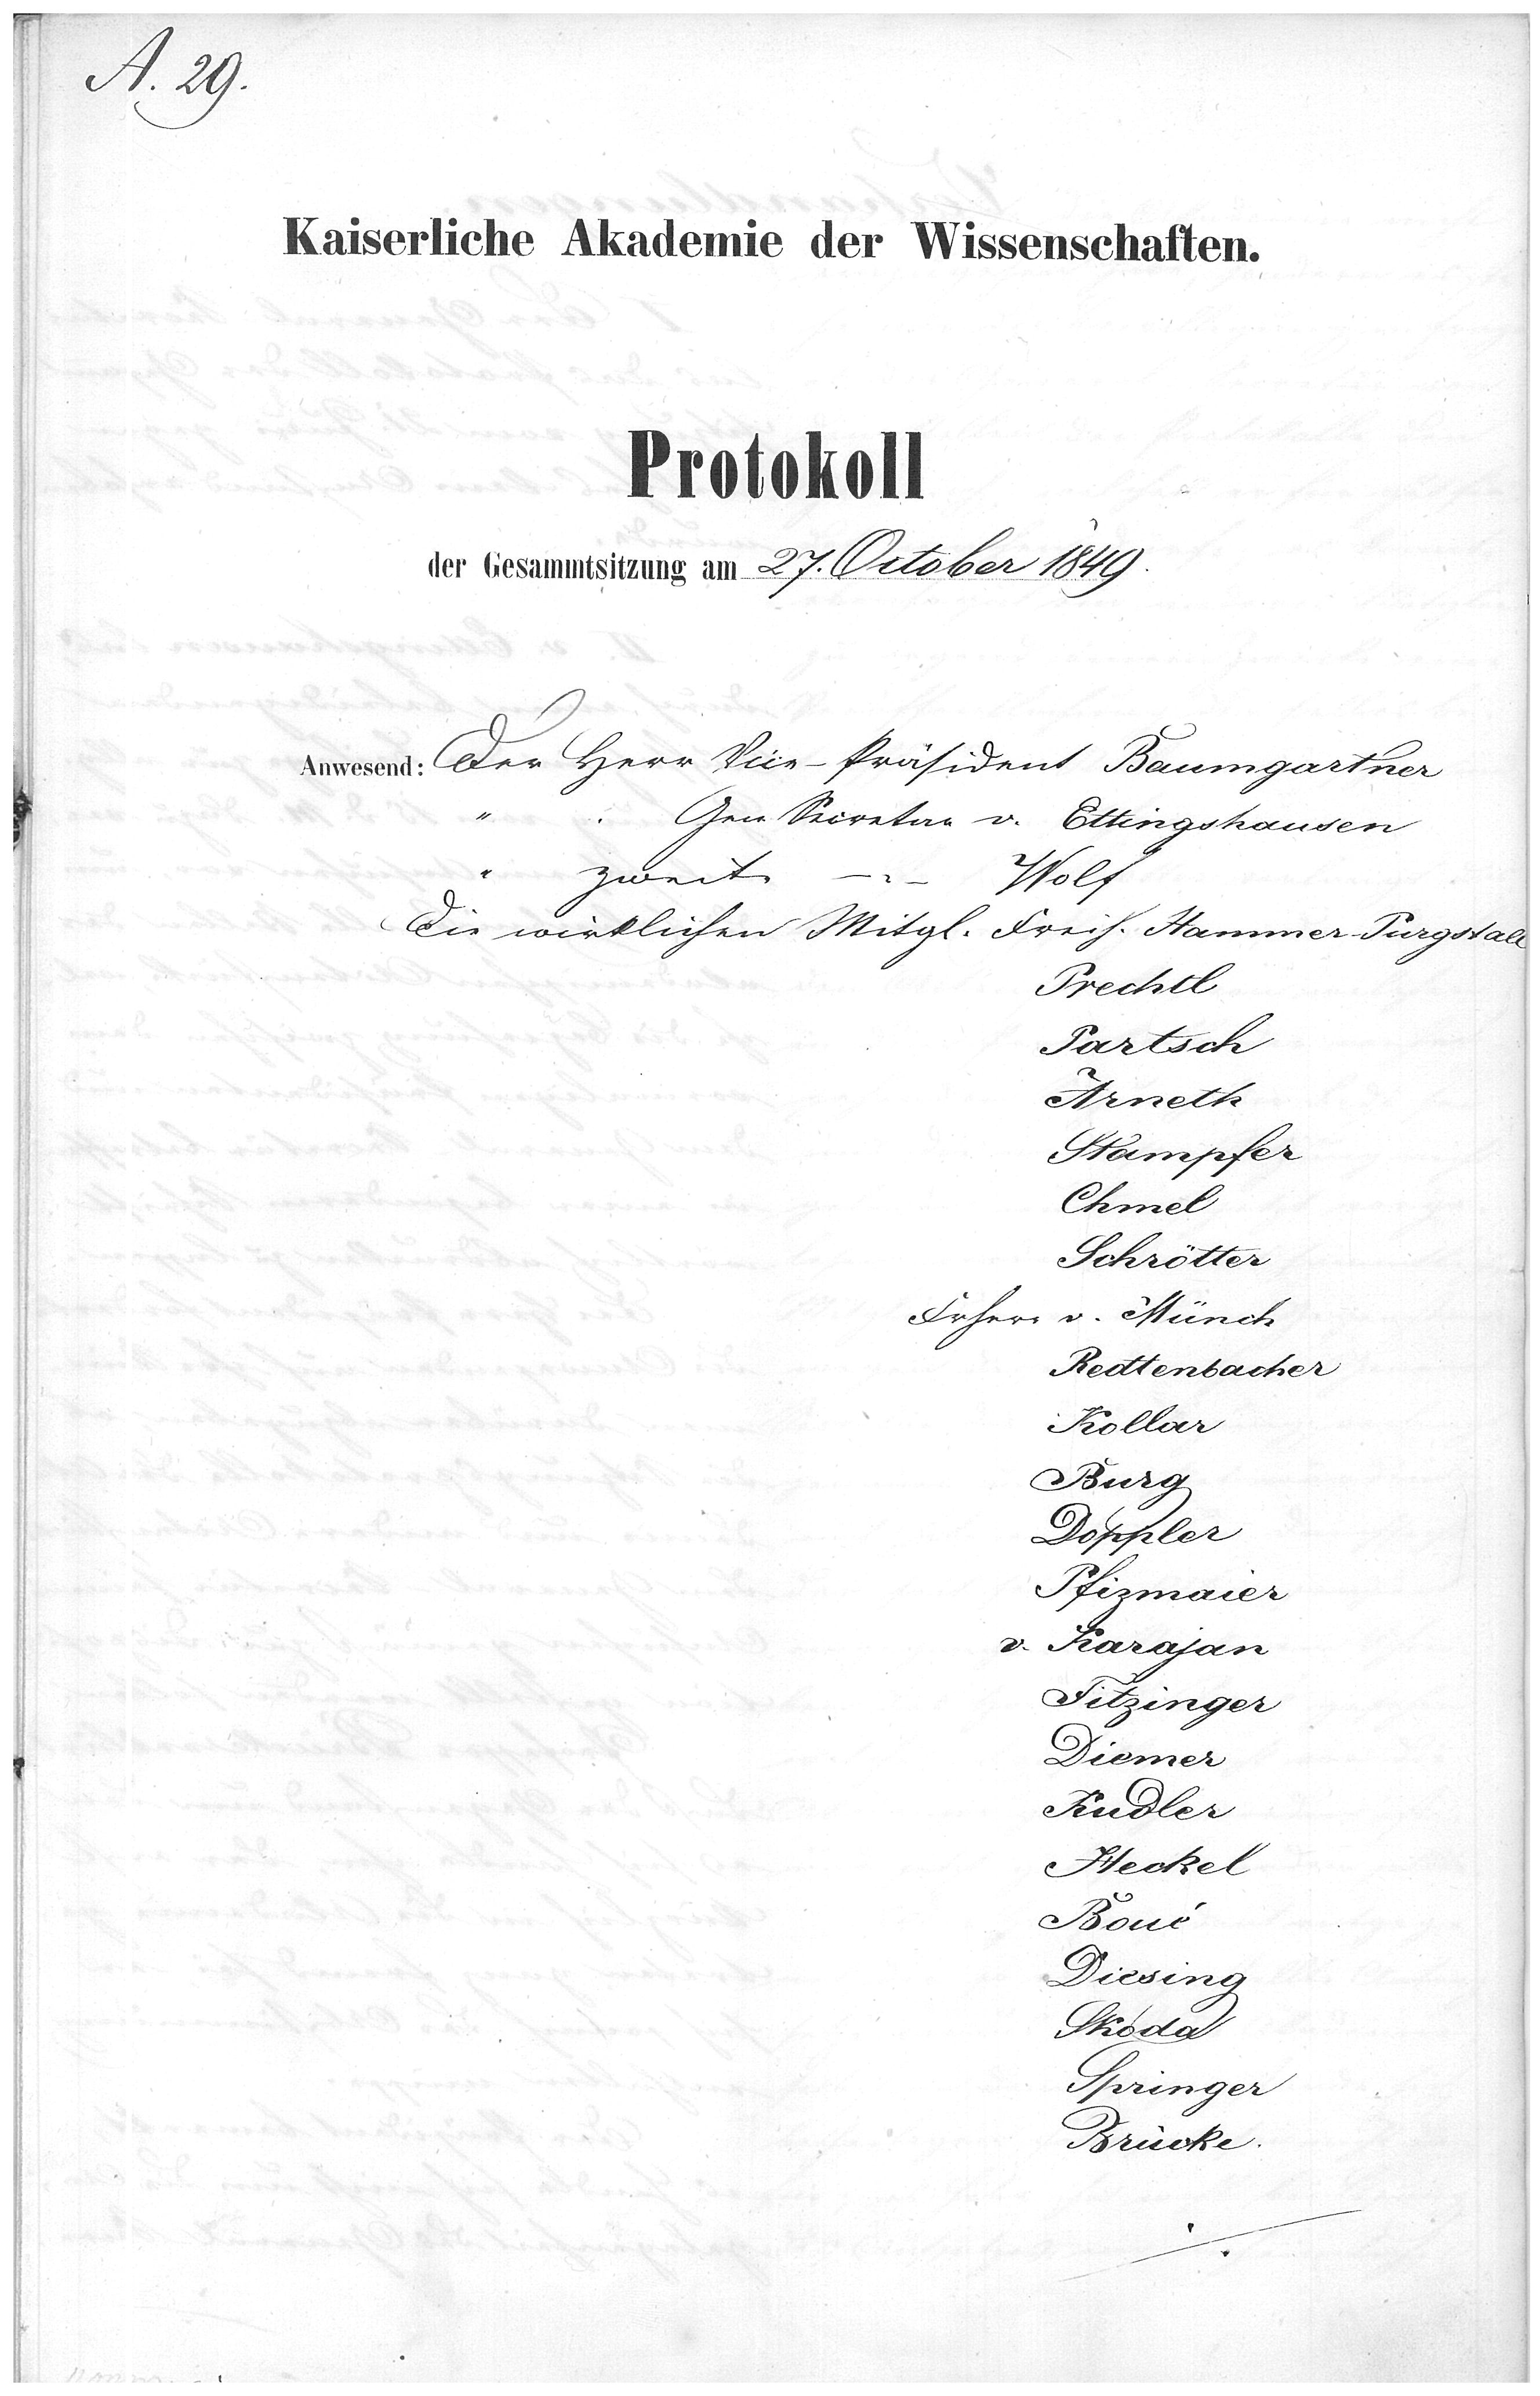A. 29.
Kaiserliche Akademie der Wissenschaften.
Protokoll
der Gesammtsitzung am 27. October 1849
Der Herr Vice-Präsident Baumgartner
" - Gen.Secretär v. Ettingshausen
" zweite -"- Wolf
Anwesend:
Die wirklichen Mitgl. Freih. Hammer-Purgstall
Prechtl
Partsch
Arneth
Stampfer
Chmel
Schrötter
Frherr v. Münch
Redtenbacher
Kollar
Burg
Doppler
Pfizmaier
v. Karajan
Fitzinger
Diemer
Sudler
Heckel
Boué
Diesing
Skoda
Springer
Brücke